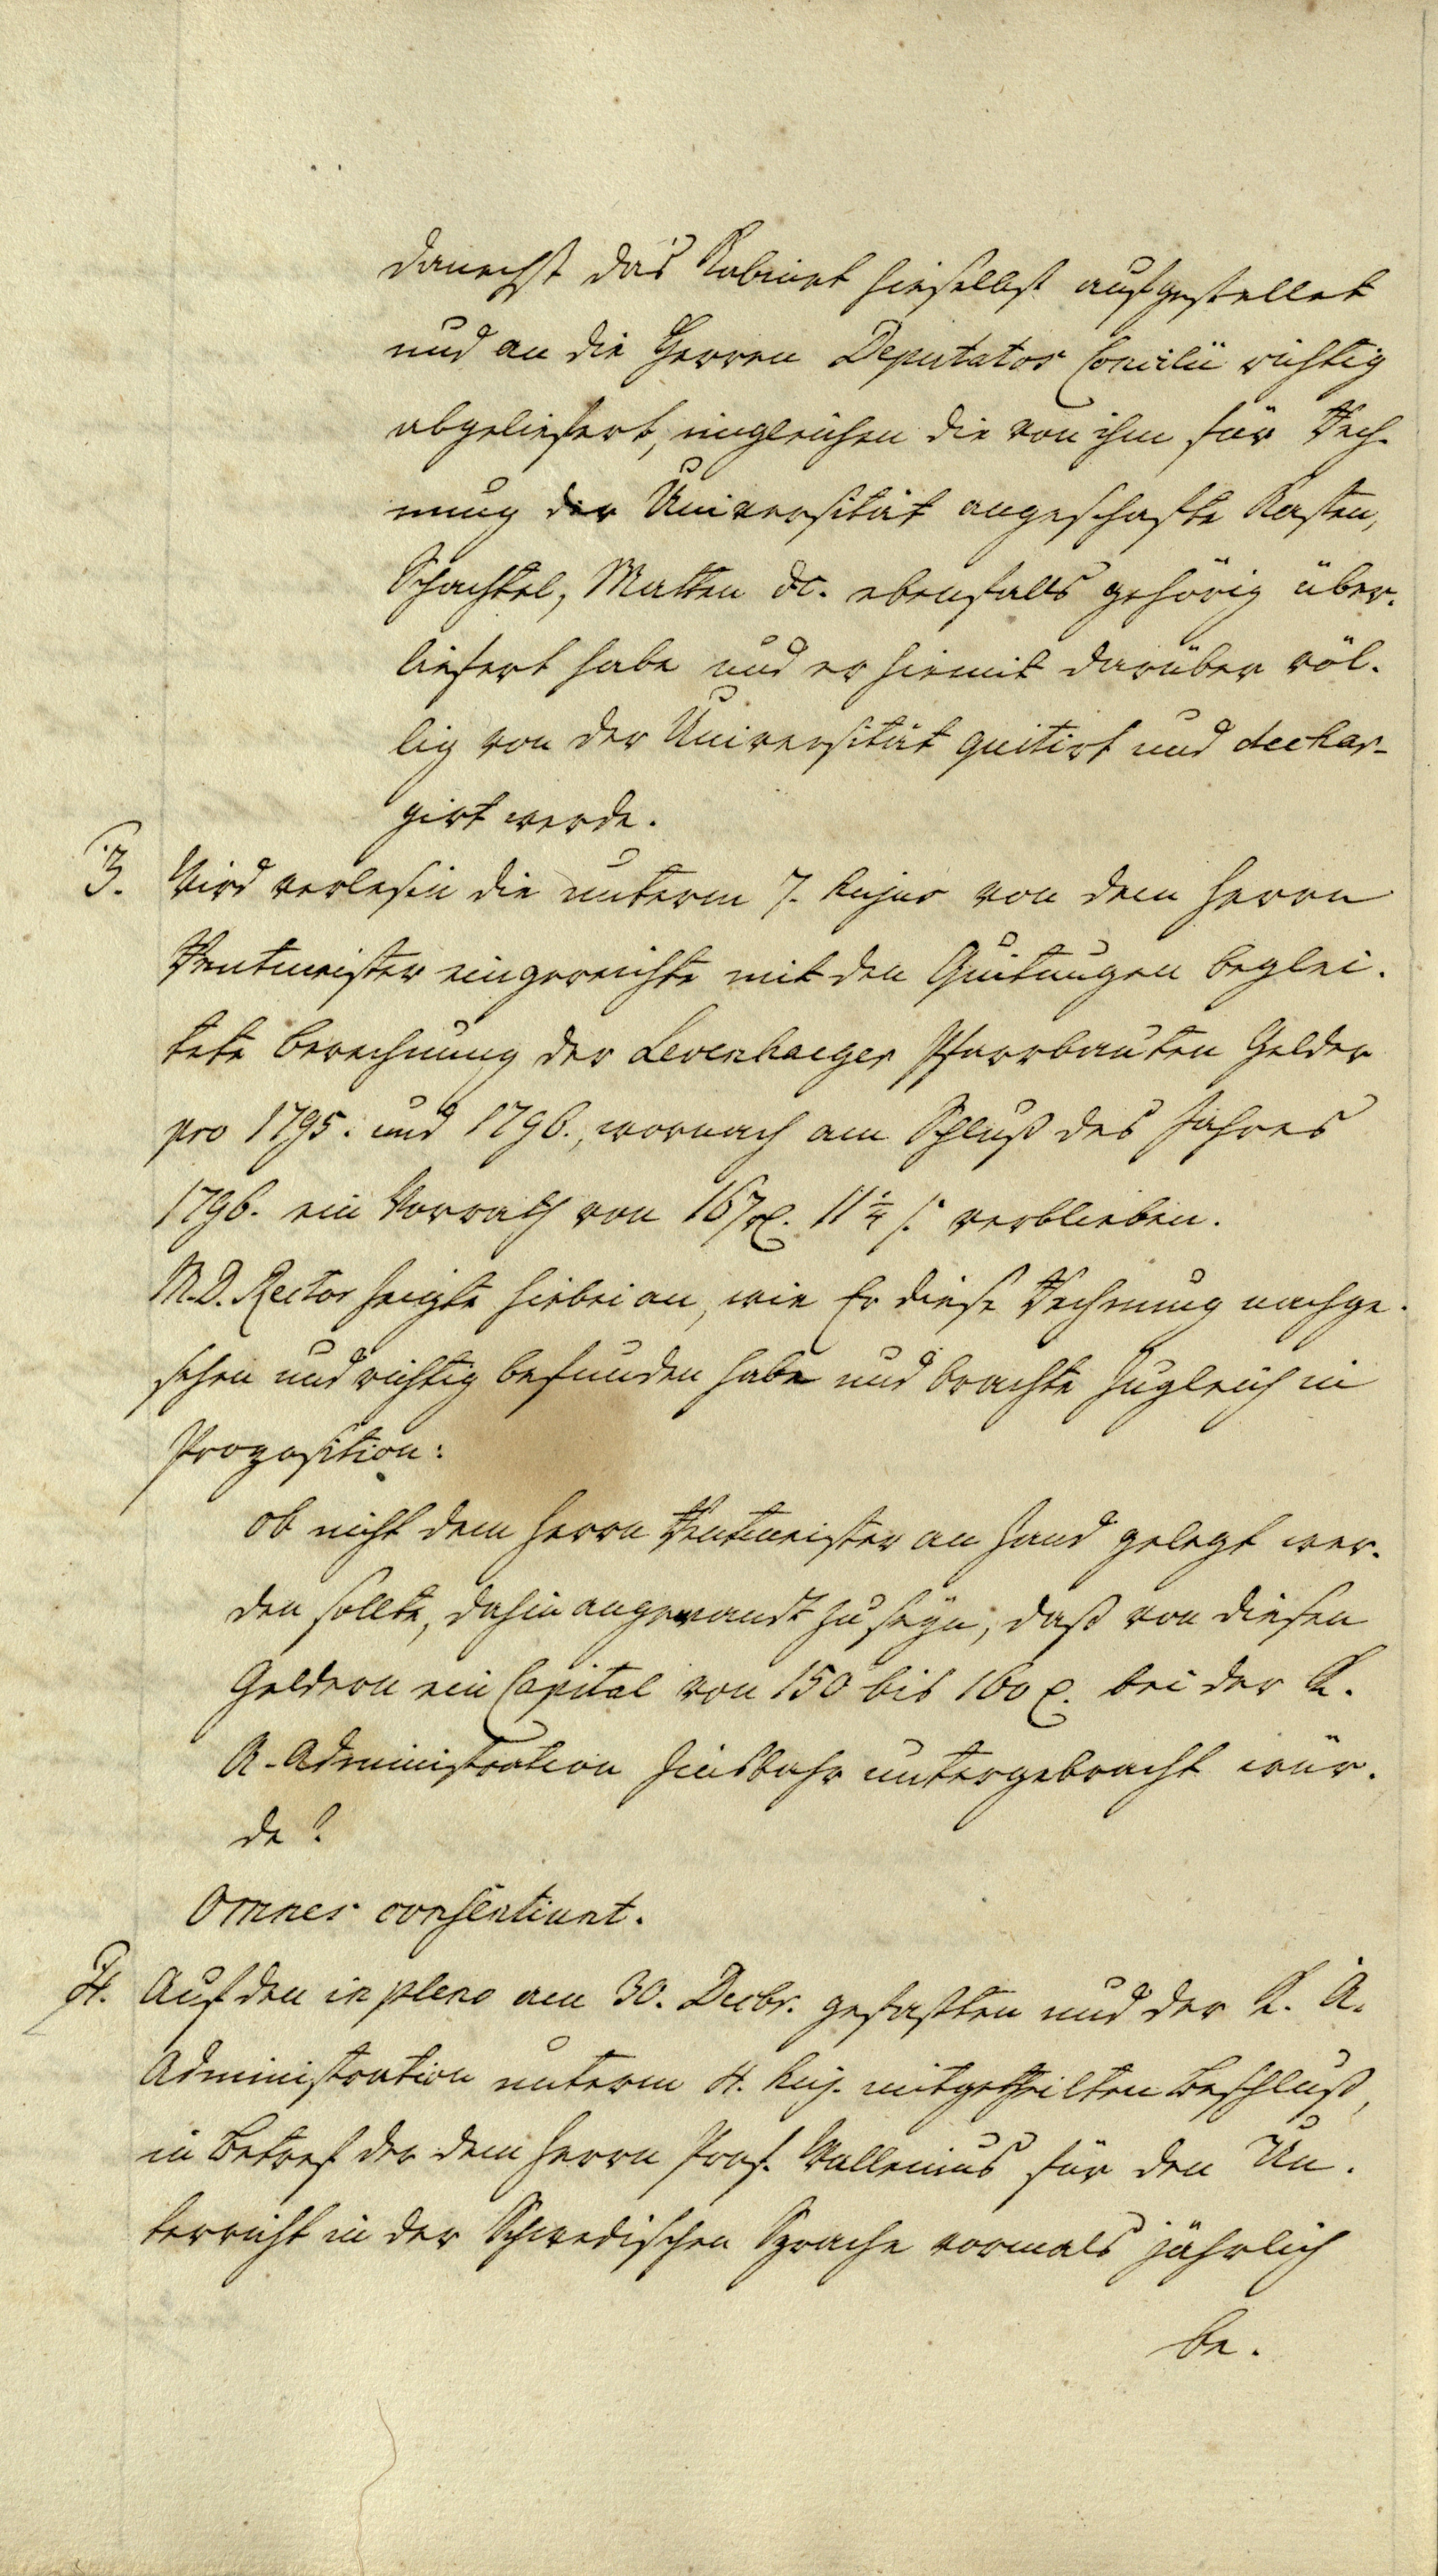danechst das Cabinet hieselbst aufgestellet
und an die Herren Deputatos Concilii richtig
abgeliefert, imgleichen die von ihm für Rech¬
nung der Universität angeschafte Kasten,
Schachtel, Matten d.c. ebenfalls gehörig über¬
liefert habe und er hiemit darüber völ¬
lig von der Universität quitirt und dechar¬
girt werde.
3. Wird verlesen die unterm 7. hujus von dem Herrn
Rentmeister eingereichte mit den Quitungen beglei¬
tete Berechnung der Levenhaeger Pfarrbauten Gelder
pro 1795. und 1796., wornach am Schluß des Jahres
1796. ein Vorrath von 167 rl. 11¼ s. verblieben.
M. D. Rector zeigte hiebei an, wie Er diese Rechnung nachge¬
sehen und richtig befunden habe und brachte zugleich in
Proposition:
ob nicht dem Herrn Rentmeister an Hand gelegt wer¬
den sollte, dahin angewandt zu seÿn, daß von diesen
Geldern ein Capital von 150 bis 100 l. bei der K.
A. Administration zinsbahr untergebracht wür¬
de?
Omnes consentiunt.
4. Auf den in pleno am 30. Decbr. gefaßten und der K. A.
Administration unterm 4. huj. mitgetheilten Beschluß,
in Betref der dem Herrn Prof. Wallenius für den Un¬
terricht in der Schwedischen Sprache vormals jährlich
be.